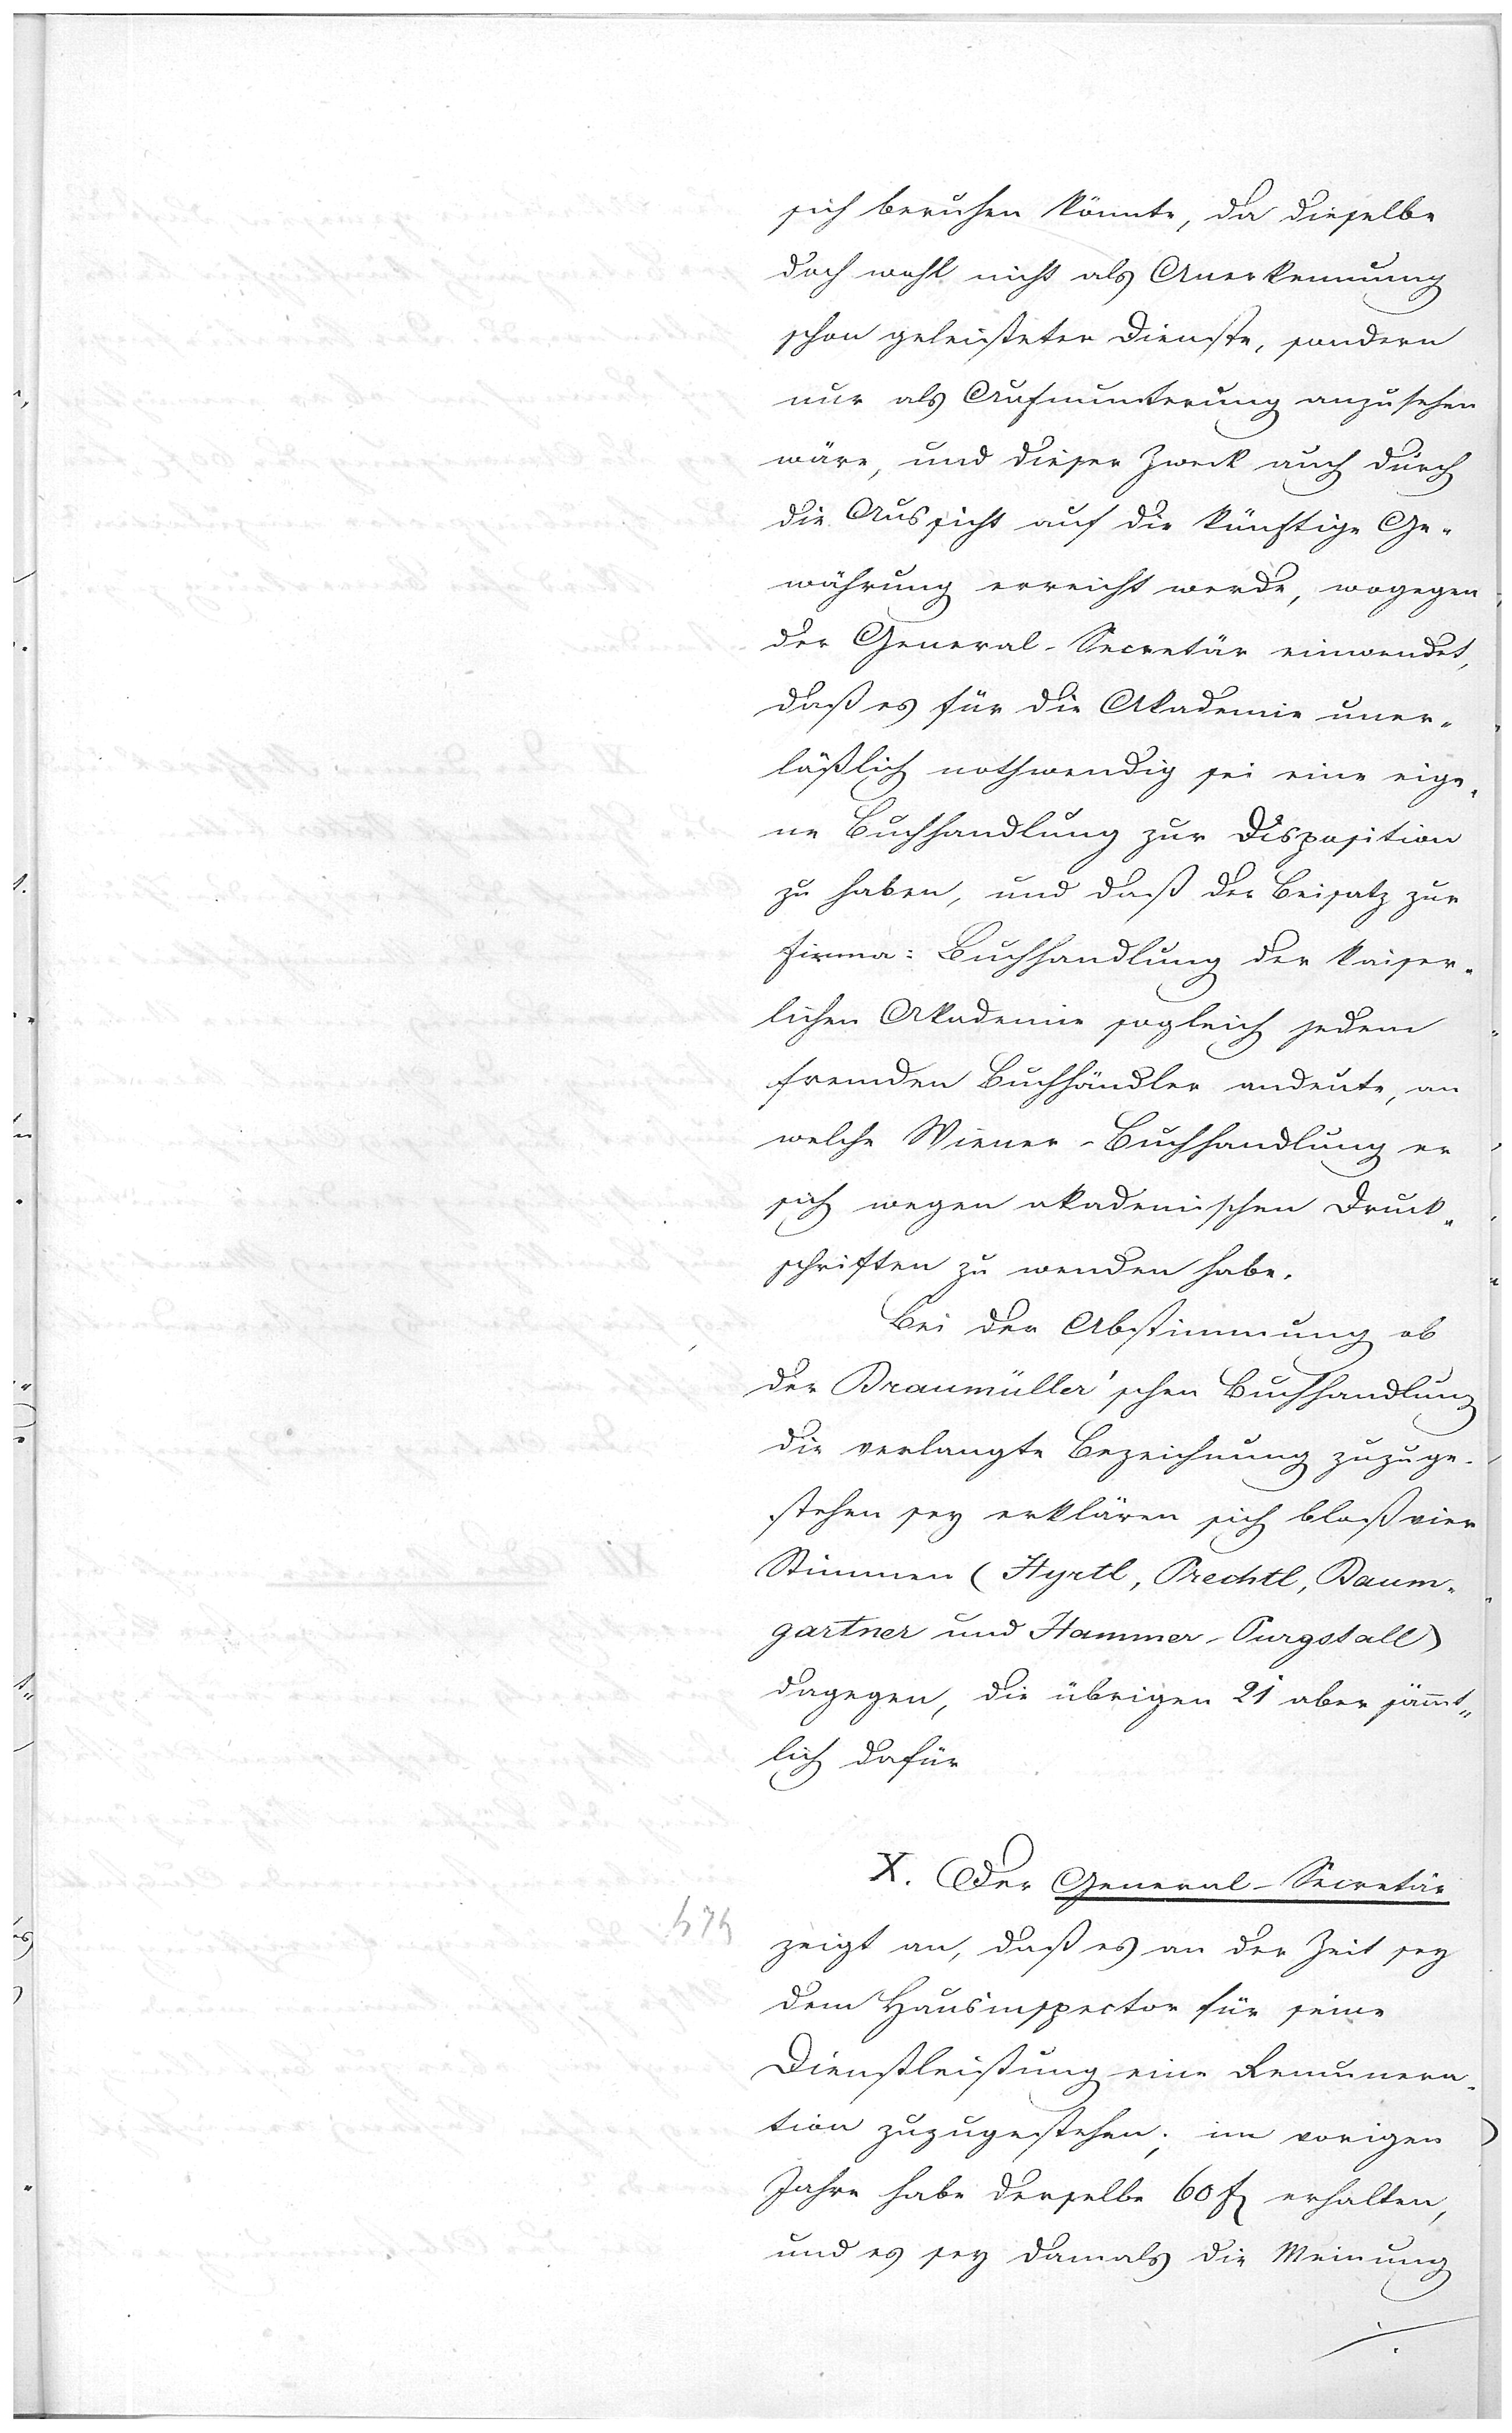sich beruhen könnte, da dieselbe
doch wohl nicht als Anerkennung
schon geleisteter Dienste, sondern
nur als Aufmunterung anzusehen
wäre, und dieser Zweck auch durch
die Aussicht auf die künftige Ge-
währung erreicht werde, wogegen
der General-Secretär einwendet,
daß es für die Akademie uner-
läßlich nothwendig sei eine eige-
ne Buchhandlung zur Disposition
zu haben, und daß der Beisatz zur
Firma: Buchhandlung der kaiser-
lichen Akademie sogleich jedem
fremden Buchhändler andeute, an
welche Wiener Buchhandlung er
sich wegen akademischen Druck-
schriften zu wenden habe.
Bei der Abstimmung ob
der Braumüller'schen Buchhandlung
die verlangte Bezeichnung zuzuge-
stehen sey erklären sich bloß vier
Stimmen (Hyrtl, Prechtl, Baum-
gartner und Hammer-Purgstall)
dagegen, die übrigen 21 aber sämmt-
lich dafür.
X. Der General-Secretär
zeigt an, daß es an der Zeit sey
dem Hausinspector für seine
Dienstleistung eine Remunera-
tion zuzugestehen; im vorigen
Jahre habe derselbe 60 fl. erhalten,
und es sey damals die Meinung